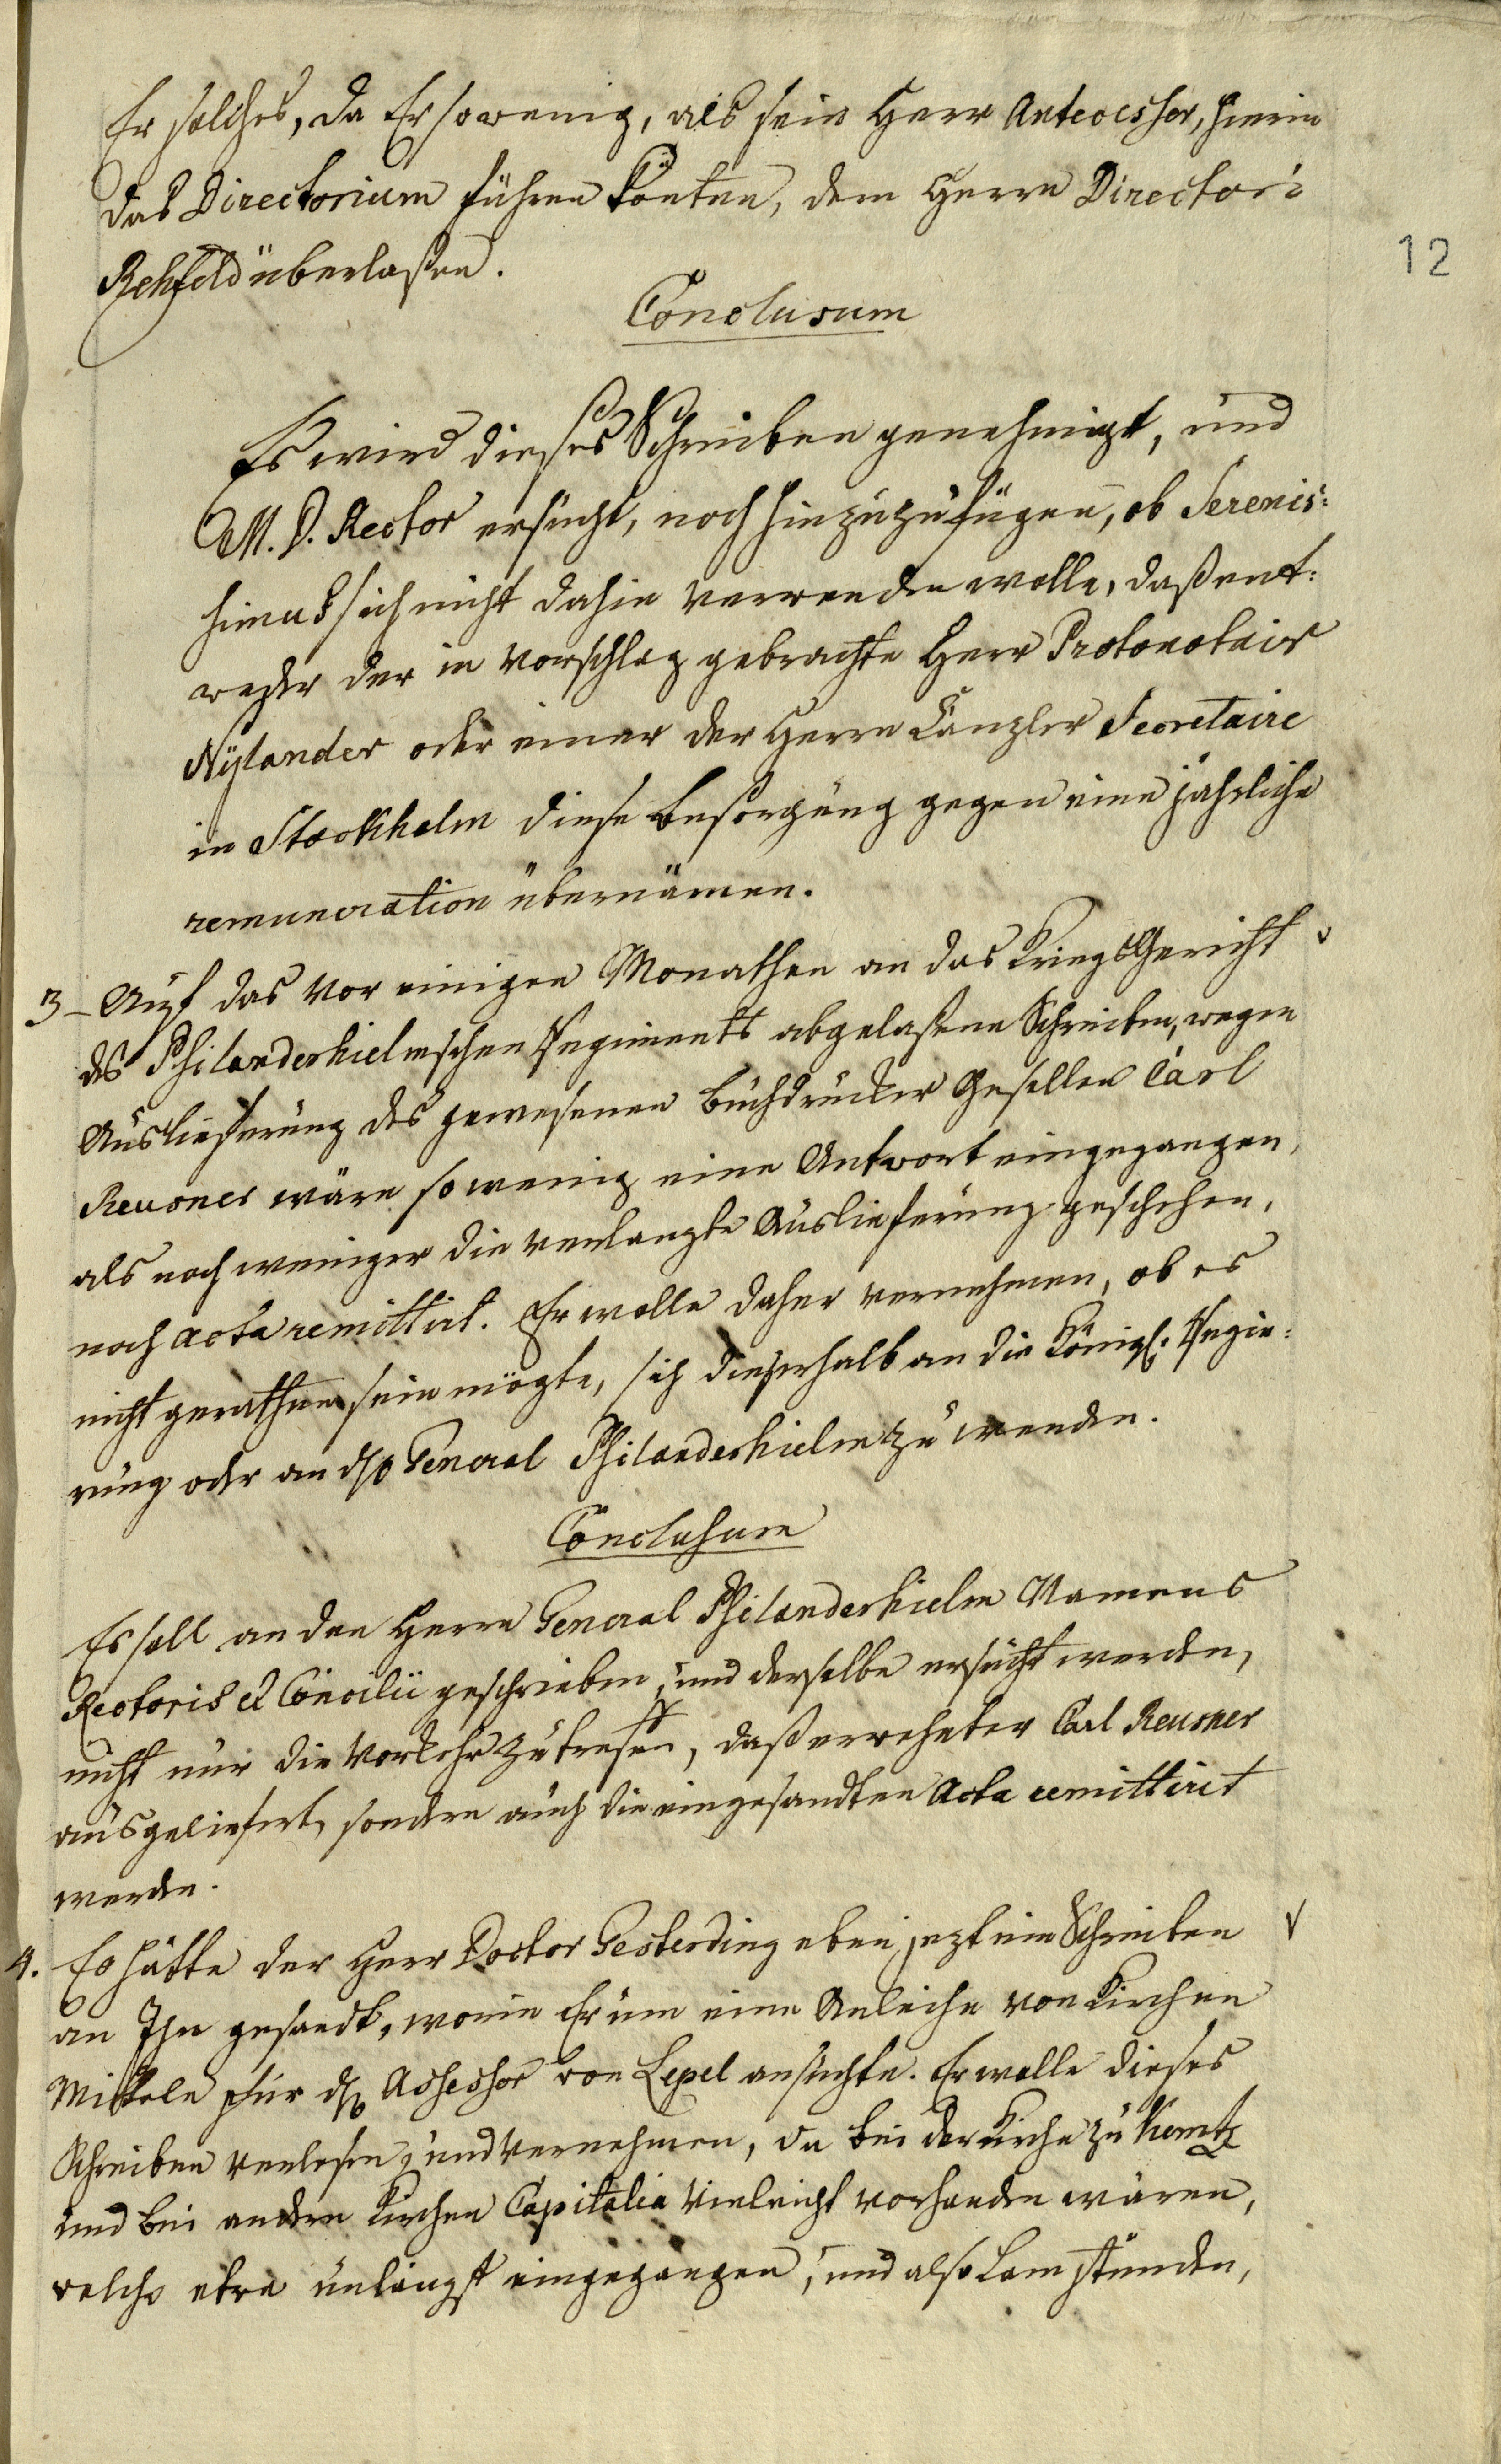Er solches, da Er sowenig, als sein Herr Antecessor, hierin
das Directorium führen könten, dem Herrn Director
Rehfeld überlaßen. Conclusum
Es wird dieses Schreiben genehmigt, und
M. D. Rector ersucht, noch hinzuzufügen, ob Serenis¬
simus sich nicht dahin verwenden wolle, daß ent¬
weder der in Vorschlag gebrachte Herr Protonotair
Nÿlander oder einer der Herrn Canzler Secretaire
in Stockholm diese Besorgung gegen eine jährliche
remuneration übernämen.
3. Auf das vor einigen Monathen an das KriegsGericht
des Philanderhielmschen Regiments abgelaßenen Schreiben, wegen
Auslieferung des gewesenen Buchdrucker Gesellen Carl
Reusner wäre so wenig eine Antwort eingegangen,
als noch weniger die verlangte Auslieferung geschehen,
nach Acta remittirt. Er wolle daher vernehmen, ob es
nicht gerathen sein mögte, sich dieserhalb an die Königl. Regie¬
rung oder an dh General Philanderhielm zu wenden.
Conclusum
Es soll an den Herrn General Philanderhielm Namens
Rectoris et Concilii geschrieben, und derselbe ersucht werden,
nicht nur die Vorkehr zu treffen, daß erwehnter Carl Reusner
ausgeliefert, sondern auch die eingesandten Acta remittiret
werden.
4. Es hätte der Herr Doctor Gesterding eben jezt ein Schreiben
an Ihn gesandt, worin er um eine Anleihe von Kirchen
Mitteln für dh Assessor von Lepel ansuchte. Er wolle dieses
Schreiben verlesen und vernehmen, da bei der Kirche zu Kemtz
und bei andern Kirchen Capitalia vieleicht vorhanden wären,
welche etwa unlängst eingegangen, und also lam stünden,